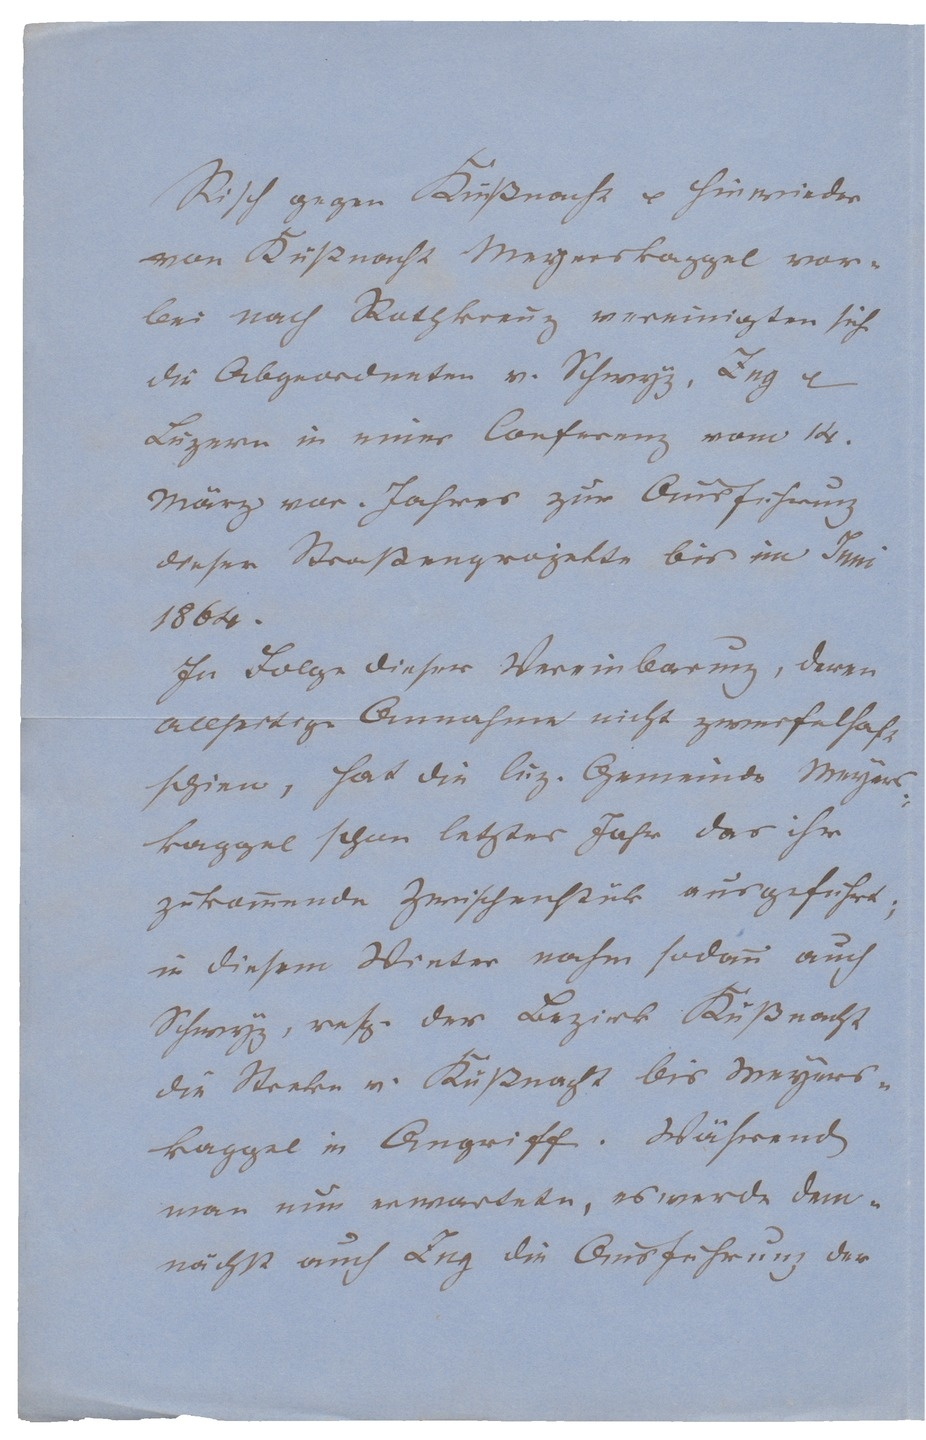Risch gegen Küßnacht & hirwieder
von KüßnachtMeyerskappel vor-
bei nach Rothkreuz vereinigten sich
die Abgeordneten v. Schwyz, Zug &
Luzern in einer Conferenz vom 14.
März vor. Jahres zur Ausführung
dieser Straßenprojekte bis im Juni
1864.
In Folge dieser Vereinbarung, deren
allseitige Annahme nicht zweifelhaft
schien, hat die luz. Gemeinde Meyers-
kappel schon letztes Jahr das ihr
zukommende Zwischenstük ausgeführt;
in diesem Winter nahm sodann auch
Schwyz, resp. der Bezirk Küßnacht
die Streke v. Küßnacht bis Meyers-
kappel in Angriff. Während
man nun erwartete, es werde dem-
nächst auch Zug die Ausführung der